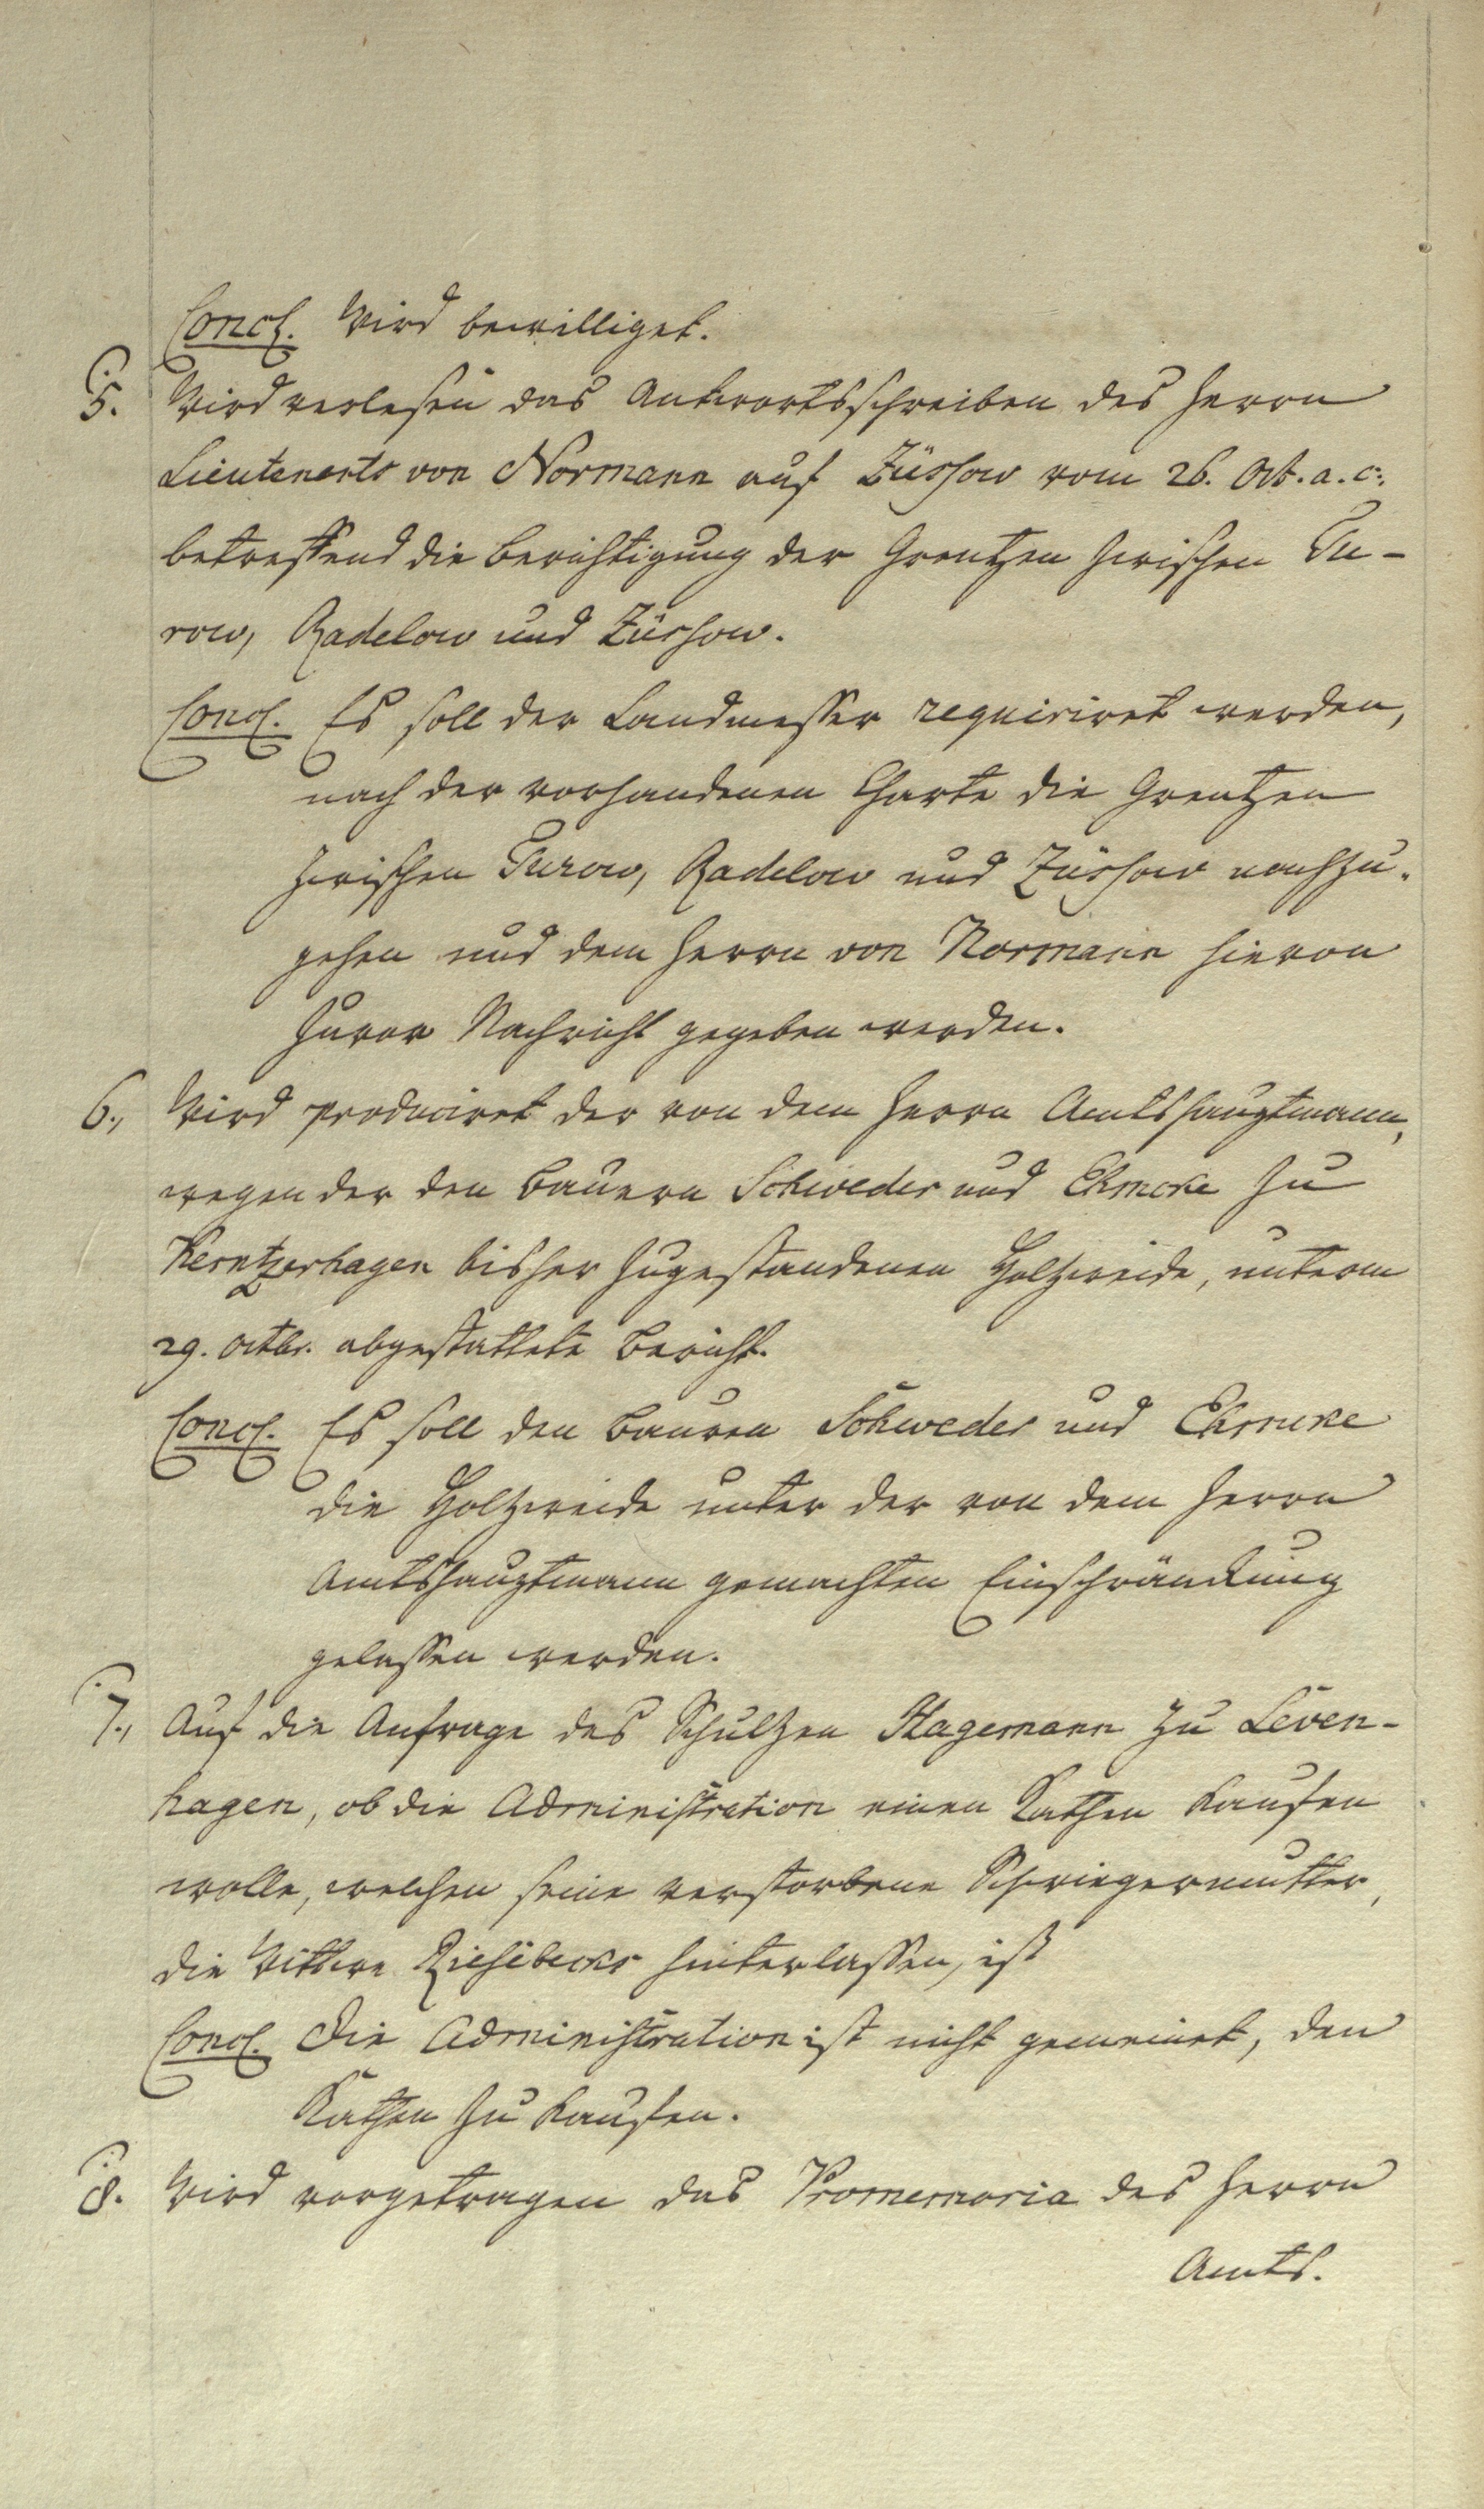Concl. Wird bewilliget.
5. Wird verlesen das Antwortsschreiben des Herrn
Lieutenants von Normann auf Züssow vom 26. Oct. a. c.
betreffend die Berichtigung der Grentzen zwischen Tu¬
row, Radelow und Züssow.
Concl. Es soll der Landmesser requiriret werden,
nach der vorhandenen Charte die Grentzen
zwischen Turow, Radelow und Züssow nachzu¬
gehen und dem Herrn von Normann hievon
zuvor Nachricht gegeben werden.
6., Wird produciret der von dem Herrn Amtshauptmann,
wegen der den Bauern Schweder und Ehmcke zu
Kemtzerhagen bisher zugestandenen Holzweide, unterm
29. Octbr. abgestattete Bericht.
Concl. Es soll den Bauren Shweder und Ehmcke
die Holzweide unter der von dem Herrn
Amtshauptmann gemachten Einschränckung
gelassen werden.
7., Auf die Anfrage des Schulzen Hagemann zu Leven¬
hagen, ob die Administration einen Kathen kaufen
wolle, welchen seine verstorbene Schriegermutter,
die Wittwe Riesebecks hinterlassen, ist
Concl. Die Administration ist nicht gemeinet, den
Kathen zu kaufen.
8. Wird vorgetragen das Promemoria des Herrn
Amts¬